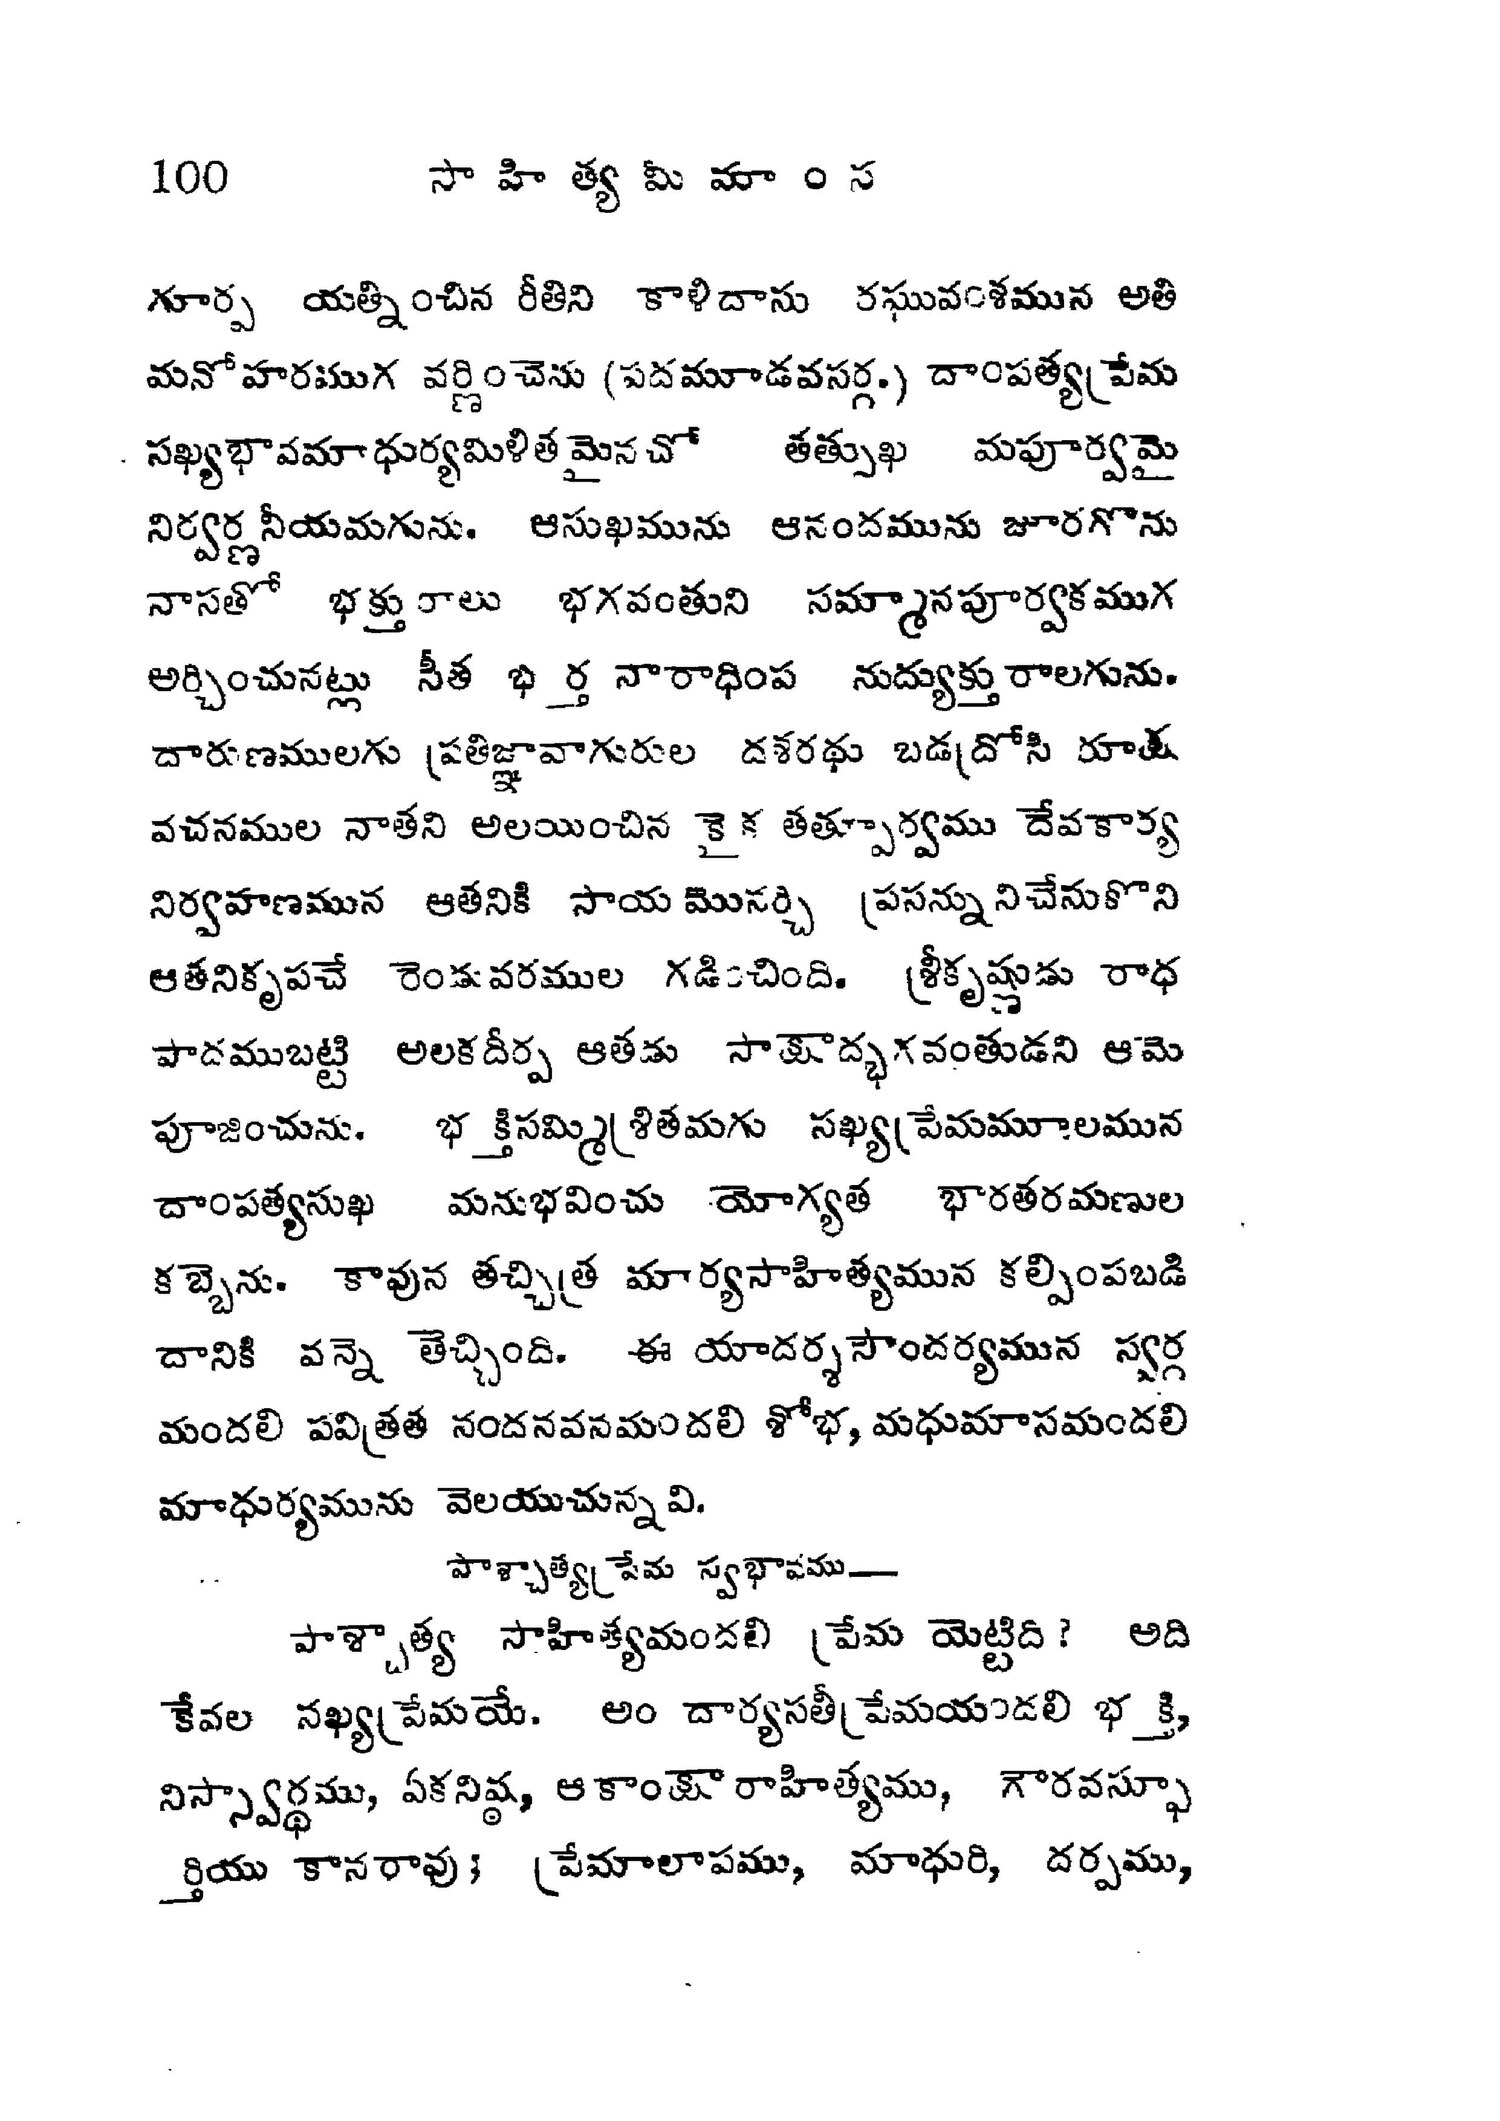గూర్ప యత్నించిన రీతిని కాళిదాసు రఘువంశమున అతి మనోహరముగ వర్ణించెను (పదమూడవసర్గ.) దాంపత్యప్రేమ సఖ్యభావమాధుర్యమిళితమైనచో తత్సుఖ మపూర్వమై నిర్వర్ణనీయమగును. ఆసుఖమును ఆనందమును జూరగొను నాసతో భక్తురాలు భగవంతుని సమ్మానపూర్వకముగ అర్చించునట్లు సీత భర్త నారాధింప నుద్యుక్తురాలగును. దారుణములగు ప్రతిజ్ఞావాగురుల దశరథు బడద్రోసి రూక్ష వచనముల నాతని అలయించిన కైక తత్పూర్వము దేవకార్య నిర్వహణమున ఆతనికి సాయమొనర్చి ప్రసన్నునిచేసుకొని ఆతనికృపచే రెండువరముల గడించింది. శ్రీకృష్ణుడు రాధ పాదముబట్టి అలకదీర్ప ఆతడు సాక్షాద్భగవంతుడని ఆమె పూజించును. భక్తిసమ్మిశ్రితమగు సఖ్యప్రేమమూలమున దాంపత్యసుఖ మనుభవించు యోగ్యత భారతరమణుల కబ్బెను. కావున తచ్చిత్ర మార్యసాహిత్యమున కల్పింపబడి దానికి వన్నె తెచ్చింది. ఈ యాదర్శసౌందర్యమున స్వర్గమందలి పవిత్రత నందనవనమందలి శోభ, మధుమాసమందలి మాధుర్యమును వెలయుచున్నవి.

పాశ్చాత్య సాహిత్యమందలి ప్రేమ యెట్టిది? అది కేవల సఖ్యప్రేమయే. అం దార్యసతీప్రేమయందలి భక్తి, నిస్స్వార్థము, ఏకనిష్ఠ, ఆకాంక్షారాహిత్యము, గౌరవస్ఫూర్తియు కానరావు; ప్రేమాలాపము, మాధురి, దర్పము,